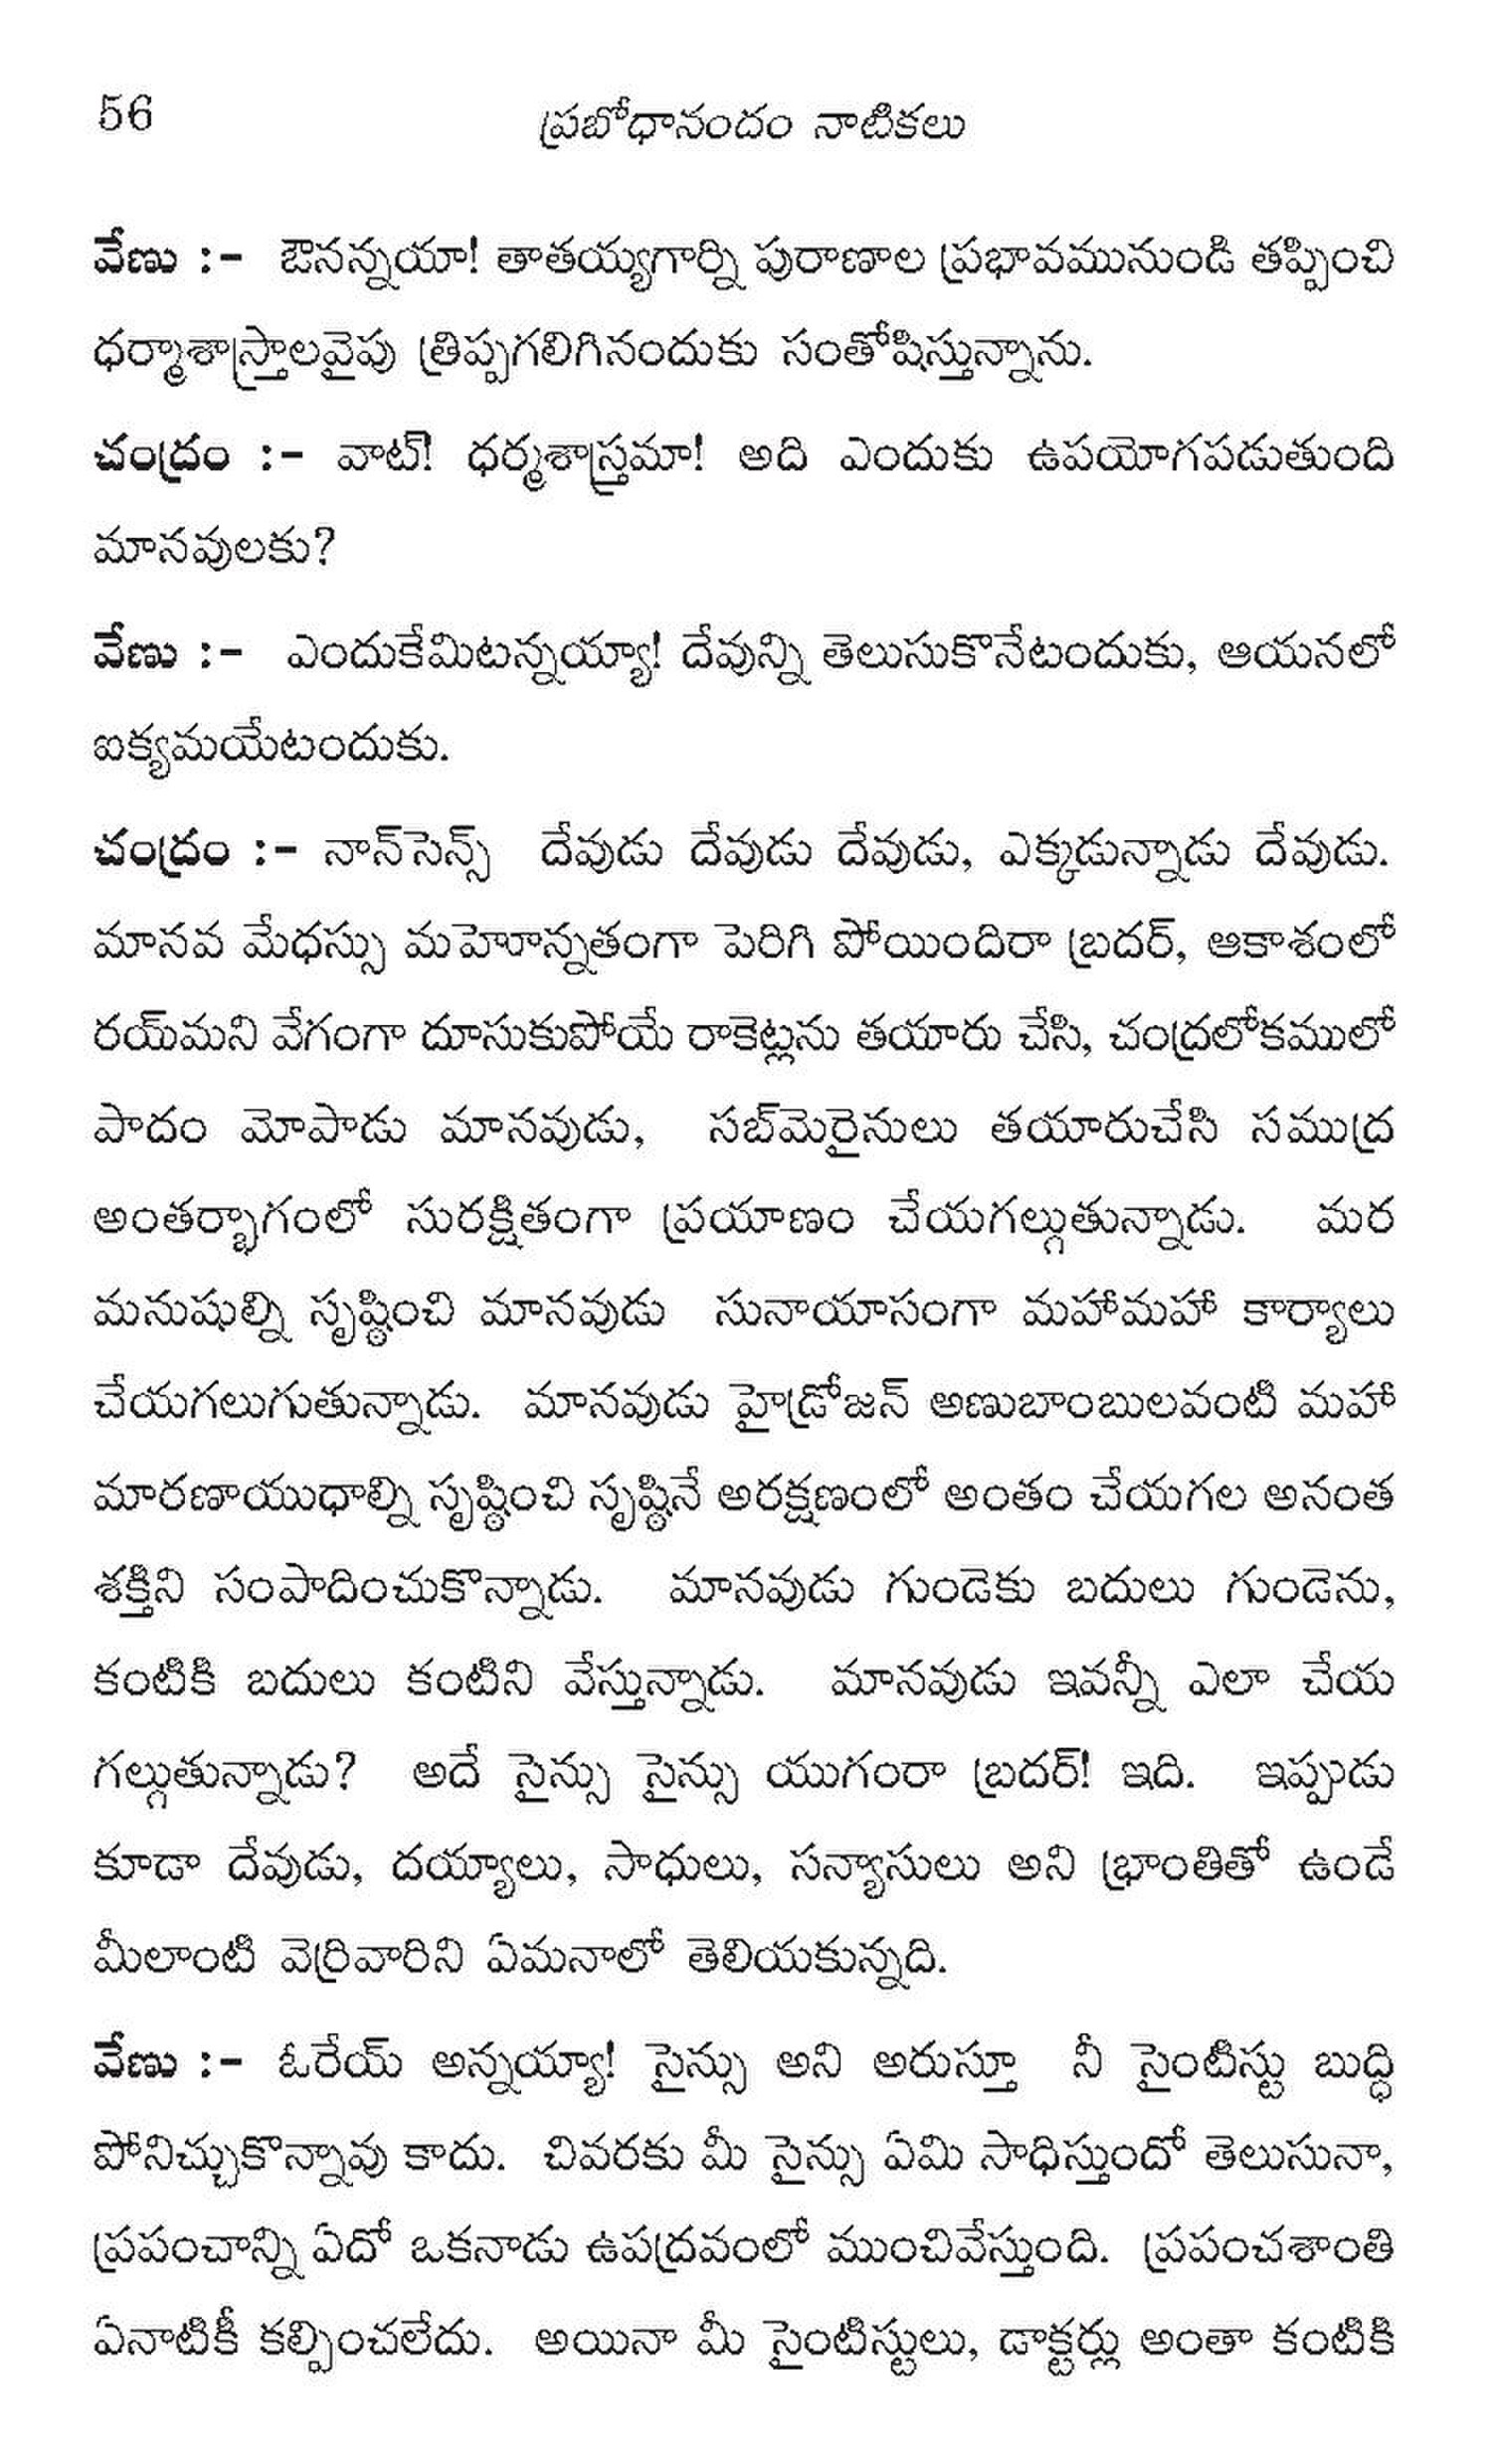వేణు :-	 ఔనన్నయా! తాతయ్యగార్ని పురాణాల ప్రభావమునుండి తప్పించి ధర్మాశాస్త్రాలవైపు త్రిప్పగలిగినందుకు సంతోషిస్తున్నాను.

చంద్రం :- వాట్‌! ధర్మశాస్త్రమా! అది ఎందుకు ఉపయోగపడుతుంది మానవులకు?

వేణు :-	 ఎందుకేమిటన్నయ్యా! దేవున్ని తెలుసుకొనేటందుకు, ఆయనలో ఐక్యమయేటందుకు. 

చంద్రం :- నాన్‌సెన్స్‌ దేవుడు దేవుడు దేవుడు, ఎక్కడున్నాడు దేవుడు. మానవ మేధస్సు మహోన్నతంగా పెరిగి పోయిందిరా బ్రదర్‌, ఆకాశంలో రయ్‌మని వేగంగా దూసుకుపోయే రాకెట్లను తయారు చేసి, చంద్రలోకములో పాదం మోపాడు మానవుడు, సబ్‌మెరైనులు తయారుచేసి సముద్ర అంతర్భాగంలో సురక్షితంగా ప్రయాణం చేయగల్గుతున్నాడు. మర మనుషుల్ని సృష్ఠించి మానవుడు సునాయాసంగా మహామహా కార్యాలు చేయగలుగుతున్నాడు. మానవుడు హైడ్రోజన్‌ అణుబాంబులవంటి మహా మారణాయుధాల్ని సృష్ఠించి సృష్ఠినే అరక్షణంలో అంతం చేయగల అనంత శక్తిని సంపాదించుకొన్నాడు. మానవుడు గుండెకు బదులు గుండెను, కంటికి బదులు కంటిని వేస్తున్నాడు. మానవుడు ఇవన్నీ ఎలా చేయ గల్గుతున్నాడు? అదే సైన్సు సైన్సు యుగంరా బ్రదర్‌! ఇది. ఇప్పుడు కూడా దేవుడు, దయ్యాలు, సాధులు, సన్యాసులు అని భ్రాంతితో ఉండే మీలాంటి వెర్రివారిని ఏమనాలో తెలియకున్నది.

వేణు :-	 ఓరేయ్‌ అన్నయ్యా! సైన్సు అని అరుస్తూ నీ సైంటిస్టు బుద్ధి పోనిచ్చుకొన్నావు కాదు. చివరకు మీ సైన్సు ఏమి సాధిస్తుందో తెలుసునా, ప్రపంచాన్ని ఏదో ఒకనాడు ఉపద్రవంలో ముంచివేస్తుంది. ప్రపంచశాంతి ఏనాటికీ కల్పించలేదు. అయినా మీ సైంటిస్టులు, డాక్టర్లు అంతా కంటికి